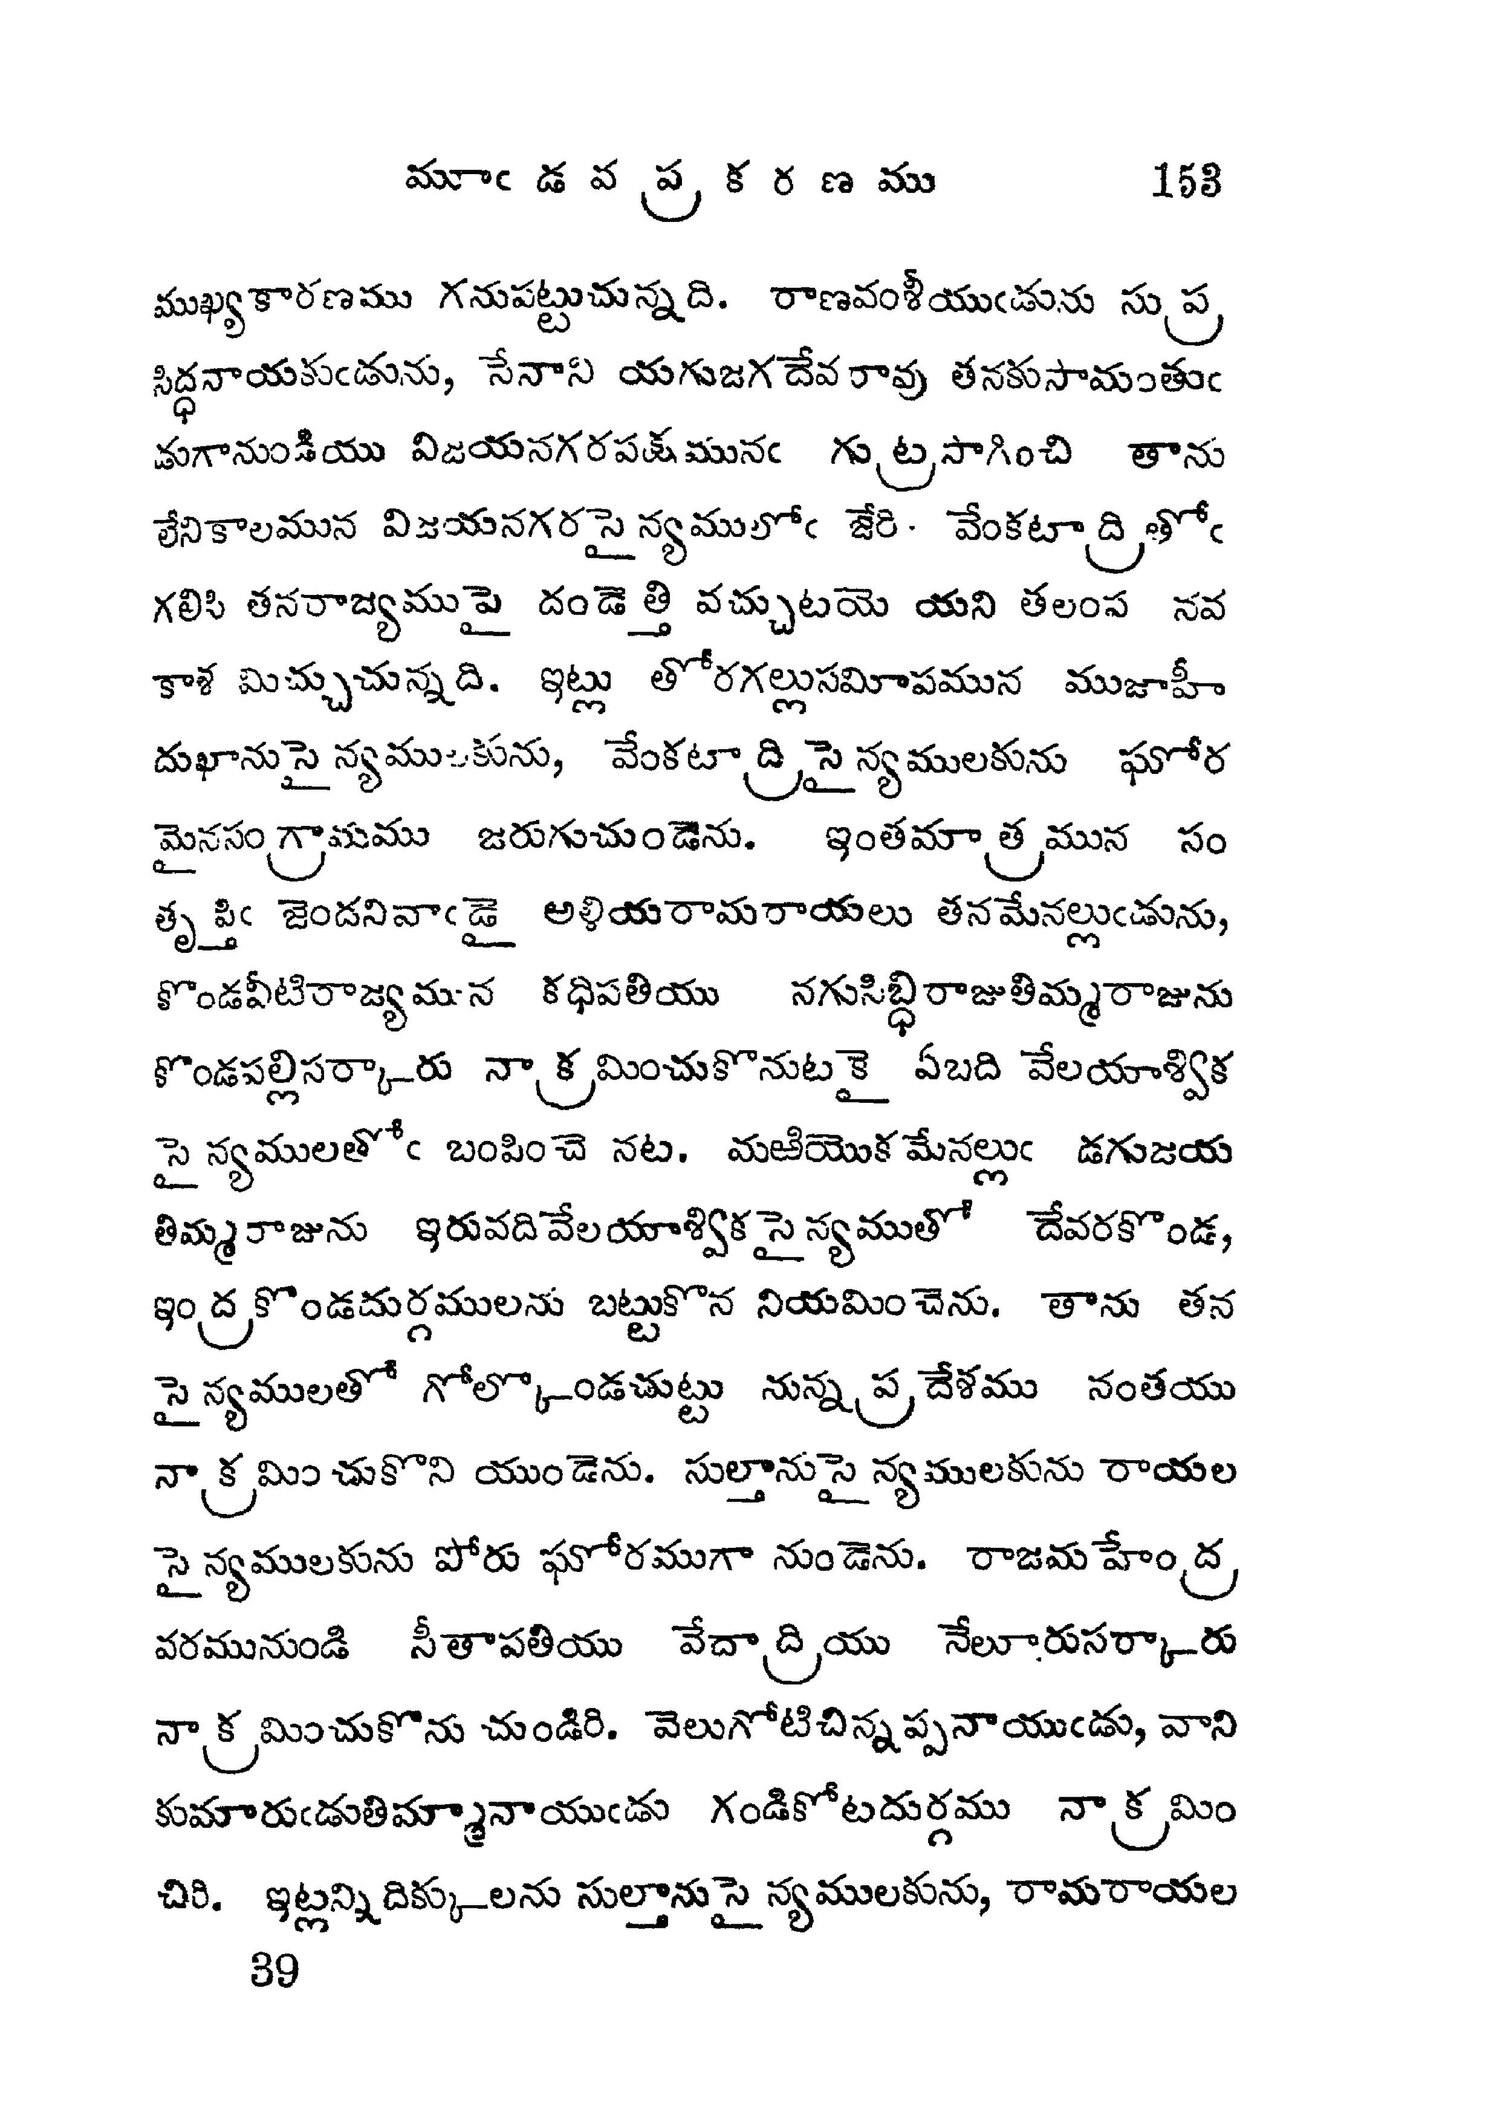ముఖ్యకారణము గనుపట్టుచున్నది. రాణవంశీయుడును సుప్రసిద్ధనాయకుడును, సేనాని యగుజగదేకరావు తనకుసామంతుడుగానుండియు విజయనగరపక్షమున గుట్రసాగించి తానులేనికాలమున విజయనగరసైన్యములో జేరి వేంకటాద్రితో గలిసి తనరాజ్యముపై దండెత్తి వచ్చుటయె యని తలంప నవకాశ మిచ్చుచున్నది. ఇట్లు తోరగల్లుసమీపమున ముజాహీదుఖానుసైన్యములకును, వేంకటాద్రిసైన్యములకును ఘోరమైనసంగ్రామము జరుగుచుండెను. ఇంతమాత్రమున సంతృప్తి జెందనివాడై అళియరామరాయలు తనమేనల్లుడును, కొండవీటిరాజ్యమున కధిపతియు నగుసిబ్ధిరాజుతిమ్మరాజును కొండపల్లిసర్కారు నాక్రముంచుకొనుటకై ఏబది వేలయాశ్విక సైన్యములతో బంపించె నట. మఱియొక మేనల్లు డగుజయతిమ్మరాజును ఇరువదివేలయాశ్వికసైన్యముతో దేవరకొండ, ఇంద్రకొండదుర్గములను బట్టుకొన నియమించెను. తాను తన సైన్యములతో గోల్కొండచుట్టు నున్నప్రదేశము నంతయు నాక్రమించుకొని యుండెను. సుల్తానుసైన్యములకును రాయల సైన్యములకును పోరు ఘోరముగా నుండెను. రాజమహేంద్రవరమునుండి సీతాపతియు వేదాద్రియు నేలూరుసర్కారు నాక్రమించుకొను చుండిరి. వెలుగోటిచిన్నప్పనాయుడు, వాని కుమారుడు తిమ్మానాయుడు గండికోటదుర్గము నాక్రమించిరి. ఇట్లన్నిదిక్కులను సులానుసైన్యములకును, రామరాయల